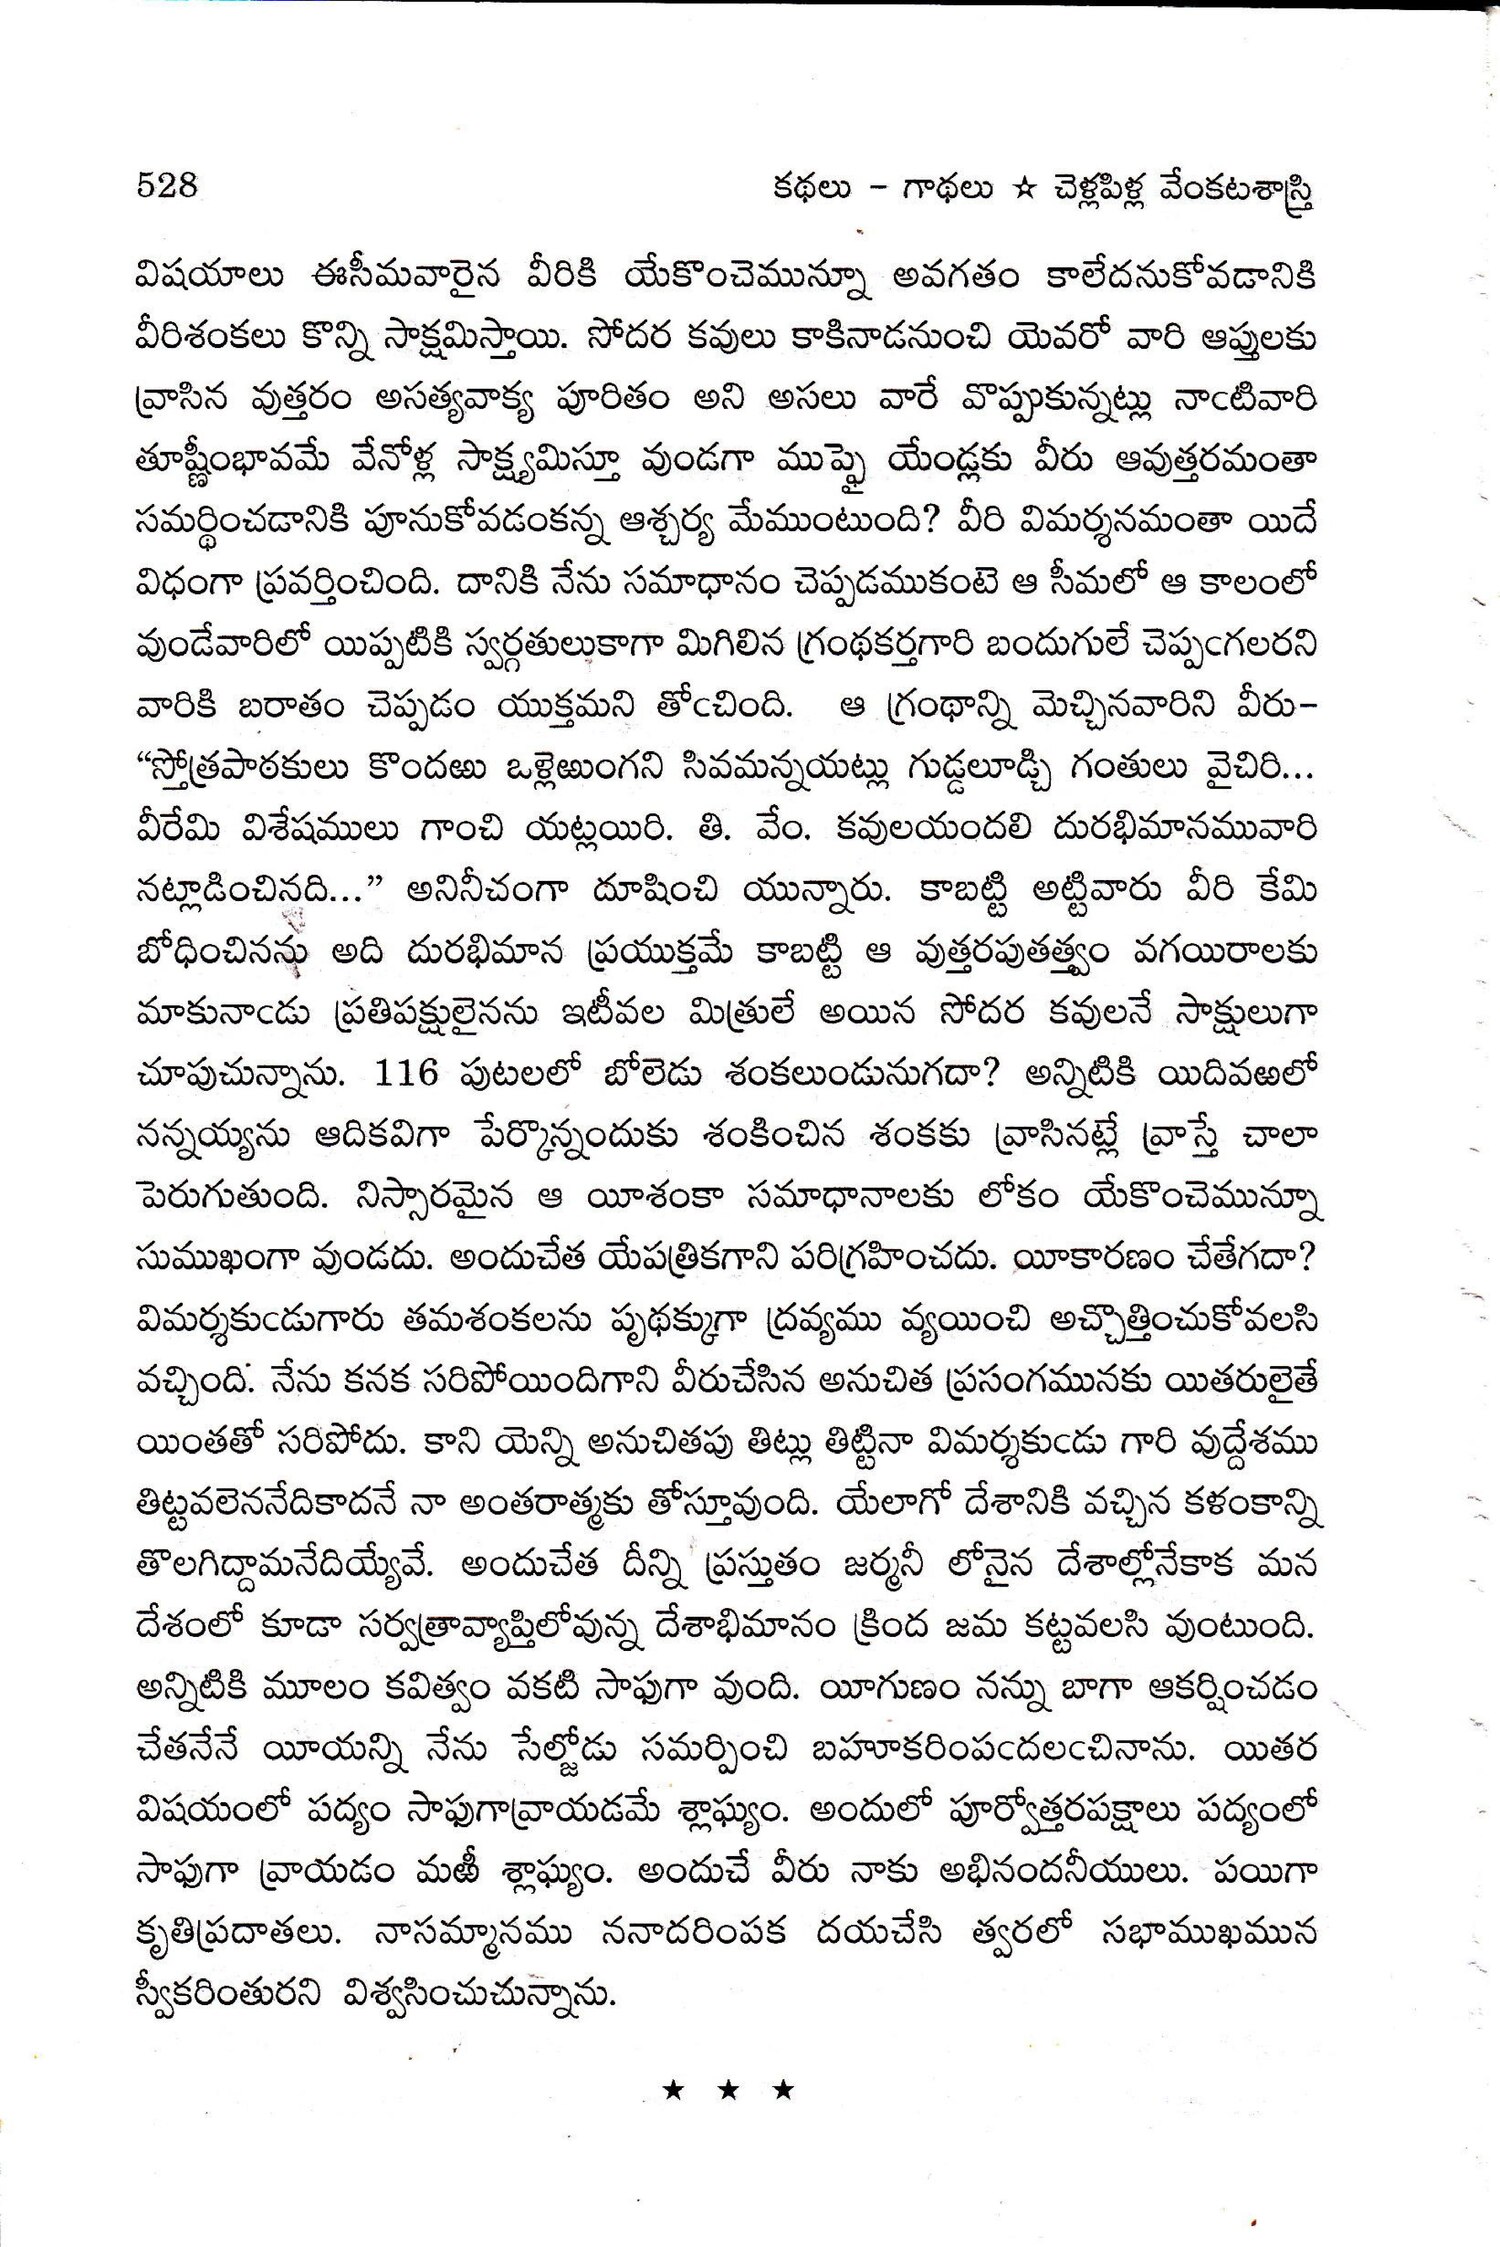విషయాలు ఈసీమవారైన వీరికి యేకొంచెమున్నూ అవగతం కాలేదనుకోవడానికి వీరిశంకలు కొన్ని సాక్షమిస్తాయి. సోదర కవులు కాకినాడనుంచి యెవరో వారి ఆప్తులకు వ్రాసిన వత్తరం అసత్యవాక్య పూరితం అని అసలు వారే వొప్పుకున్నట్లు నాఁటివారి తూష్ణీంభావమే వేనోళ్ల సాక్ష్యమిస్తూ వుండగా ముప్బై యేండ్లకు వీరు ఆవుత్తరమంతా సమర్థించడానికి పూనుకోవడంకన్న ఆశ్చర్య మేముంటుంది? వీరి విమర్శనమంతా యిదే విధంగా ప్రవర్తించింది. దానికి నేను సమాధానం చెప్పడముకంటె ఆ సీమలో ఆ కాలంలో వుండేవారిలో యిప్పటికి స్వర్గతులుకాగా మిగిలిన గ్రంథకర్తగారి బందుగులే చెప్పఁగలరని వారికి బరాతం చెప్పడం యుక్తమని తోఁచింది. ఆ గ్రంథాన్ని మెచ్చినవారిని వీరు“స్తోత్రపాఠకులు కొందఱు ఒళ్లెఱుంగని సివమన్నయట్లు గుడ్డలూడ్చి గంతులు వైచిరి... వీరేమి విశేషములు గాంచి యట్లయిరి. తి. వేం. కవులయందలి దురభిమానమువారి నట్లాడించినది...” అనినీచంగా దూషించి యున్నారు. కాబట్టి అట్టివారు వీరి కేమి బోధించినను అది దురభిమాన ప్రయుక్తమే కాబట్టి ఆ వుత్తరపుతత్త్వం వగయిరాలకు మాకునాఁడు ప్రతిపక్షులైనను ఇటీవల మిత్రులే అయిన సోదర కవులనే సాక్షులుగా చూపుచున్నాను. 116 పుటలలో బోలెడు శంకలుండునుగదా? అన్నిటికి యిదివఱలో నన్నయ్యను ఆదికవిగా పేర్కొన్నందుకు శంకించిన శంకకు వ్రాసినట్లే వ్రాస్తే చాలా పెరుగుతుంది. నిస్సారమైన ఆ యీశంకా సమాధానాలకు లోకం యేకొంచెమున్నూ సుముఖంగా వుండదు. అందుచేత యేపత్రికగాని పరిగ్రహించదు. యీకారణం చేతేగదా? విమర్శకుఁడుగారు తమశంకలను పృథక్కుగా ద్రవ్యము వ్యయించి అచ్చొత్తించుకోవలసి వచ్చింది. నేను కనక సరిపోయిందిగాని వీరుచేసిన అనుచిత ప్రసంగమునకు యితరులైతే యింతతో సరిపోదు. కాని యెన్ని అనుచితపు తిట్లు తిట్టినా విమర్శకుఁడు గారి వుద్దేశము తిట్టవలెననేదికాదనే నా అంతరాత్మకు తోస్తూవుంది. యేలాగో దేశానికి వచ్చిన కళంకాన్ని తొలగిద్దామనేదియ్యేవే. అందుచేత దీన్ని ప్రస్తుతం జర్మనీ లోనైన దేశాల్లోనేకాక మనదేశంలో కూడా సర్వత్రావ్యాప్తిలోవున్న దేశాభిమానం క్రింద జమ కట్టవలసి వుంటుంది. అన్నిటికి మూలం కవిత్వం వకటి సాఫుగా వుంది. యీగుణం నన్ను బాగా ఆకర్షించడం చేతనేనే యీయన్ని నేను సేల్జోడు సమర్పించి బహూకరింపఁదలఁచినాను. యితర - విషయంలో పద్యం సాపుగావ్రాయడమే శ్లాఘ్యం. అందులో పూర్వోత్తరపక్షాలు పద్యంలో సాఫుగా వ్రాయడం మఱీ శాఘ్యం. అందుచే వీరు నాకు అభినందనీయులు. పయిగా కృతిప్రదాతలు. నాసమ్మానము ననాదరింపక దయచేసి త్వరలో సభాముఖమున స్వీకరింతురని విశ్వసించుచున్నాను.